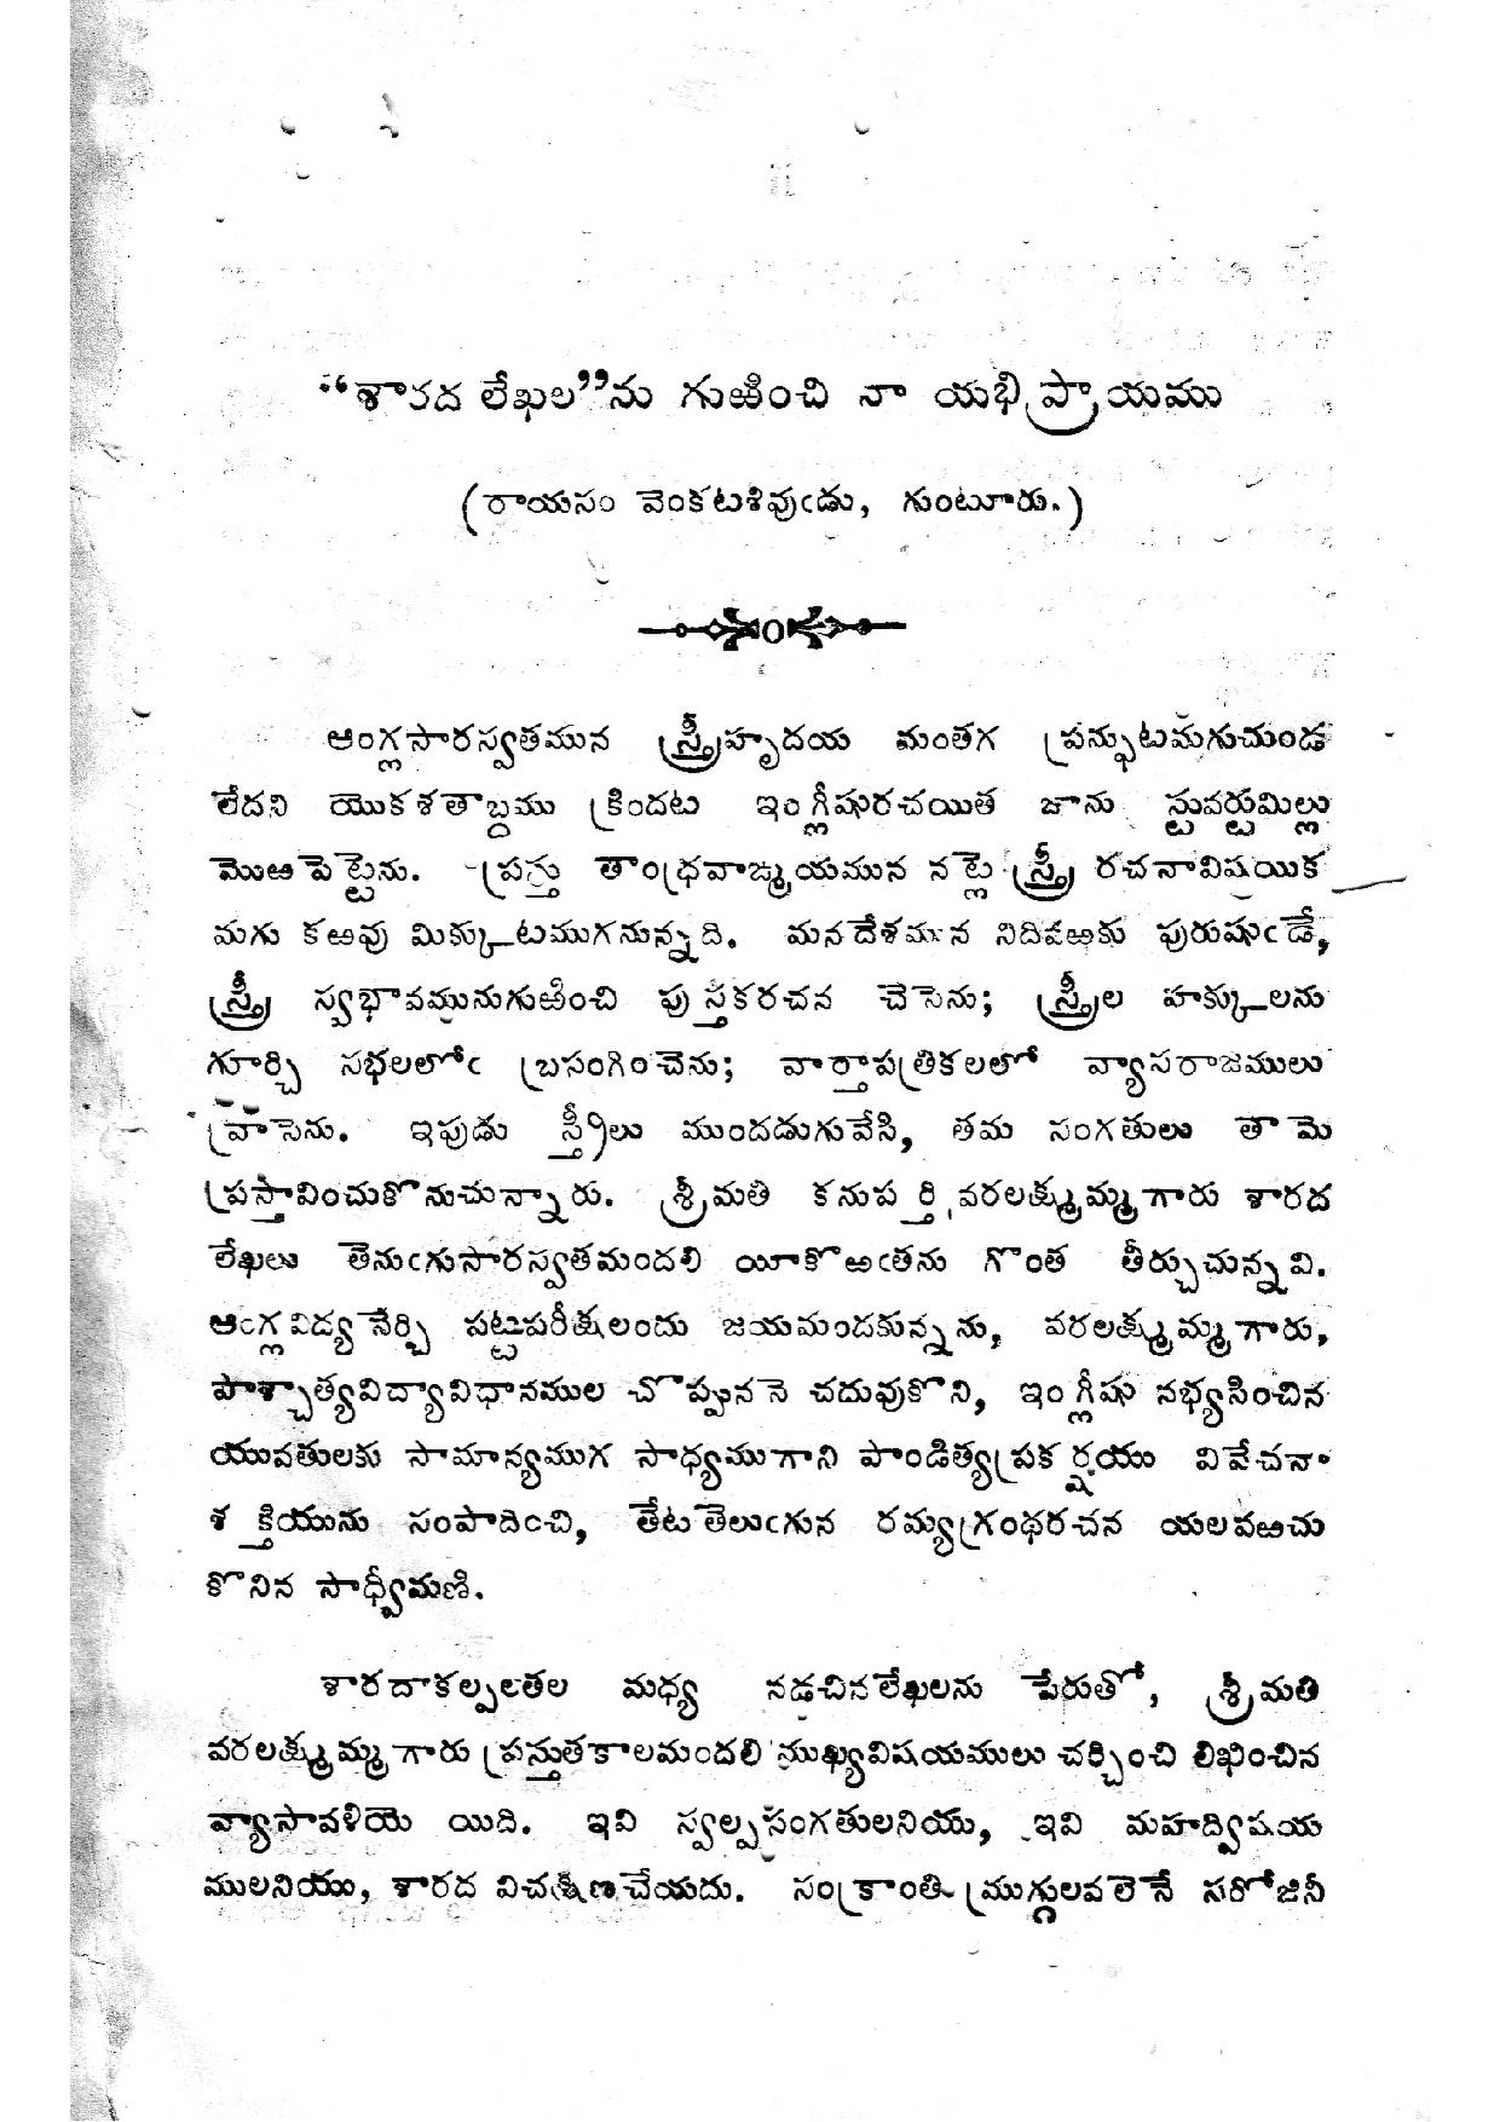"శారద లేఖల”ను గుఱించి నా యభిప్రాయము

ఆంగ్లసారస్వతమున స్త్రీహృదయ మంతగ ప్రస్ఫుటమగుచుండ లేదని యొకశతాబ్దము క్రిందట ఇంగ్లీషురచయిత జాను స్టువర్టుమిల్లు మొఱపెట్టెను. -ప్రశ్తు తాంధ్రవాఙ్మయమున నట్లే స్త్రీ రచనావిషయిక
మగు కఱవు మిక్కుటముగనున్నది. మనదేశమున నిదివఱకు పురుషుఁడే, స్త్రీ స్వభావమునుగుఱించి పుస్తకరచన చేసెను; స్త్రీల హక్కులను గూర్చి సభలలోఁ బ్రసంగించెను; వార్తాపత్రికలలో వ్యాసరాజములు
వ్రాసెను. ఇపుడు స్త్రీలు ముందడుగువేసి, తమ సంగతులు తామె ప్రస్తావించుకొనుచున్నారు. శ్రీమతి కనుపర్తి వరలక్ష్మమ్మగారు శారద లేఖలు తెనుఁగుసారస్వతమందలి యీకొఱఁతను గొంత తీర్చుచున్నవి.
ఆంగ్లవిద్యనేర్చి పట్టపరీక్షలందు జయమందకున్నను, వరలక్ష్మమ్మగారు, పాశ్చాత్యవిద్యావిధానముల చొప్పుననె చదువుకొని, ఇంగ్లీషు నభ్యసించిన యువతులకు సామాన్యముగ సాధ్యముగాని పాండిత్యప్రకర్షయు వివేచనా
శక్తియును సంపాదించి, తేటతెలుఁగున రమ్యగ్రంథరచన యలవఱచుకొనిన సాధ్వీమణి.

శారదాకల్పలతల మధ్య నడచినలేఖలను పేరుతో, శ్రీమతి వరలక్ష్మమ్మగారు ప్రస్తుతకాలమందలి ముఖ్యవిషయములు చర్చించి లిఖించిన వ్యాసావళియె యిది. ఇవి స్వల్పసంగతులనియు, ఇవి మహద్విషయములనియు, శారద విచక్షణచేయదు. సంక్రాంతి ముగ్గులవలెనే సరోజినీ